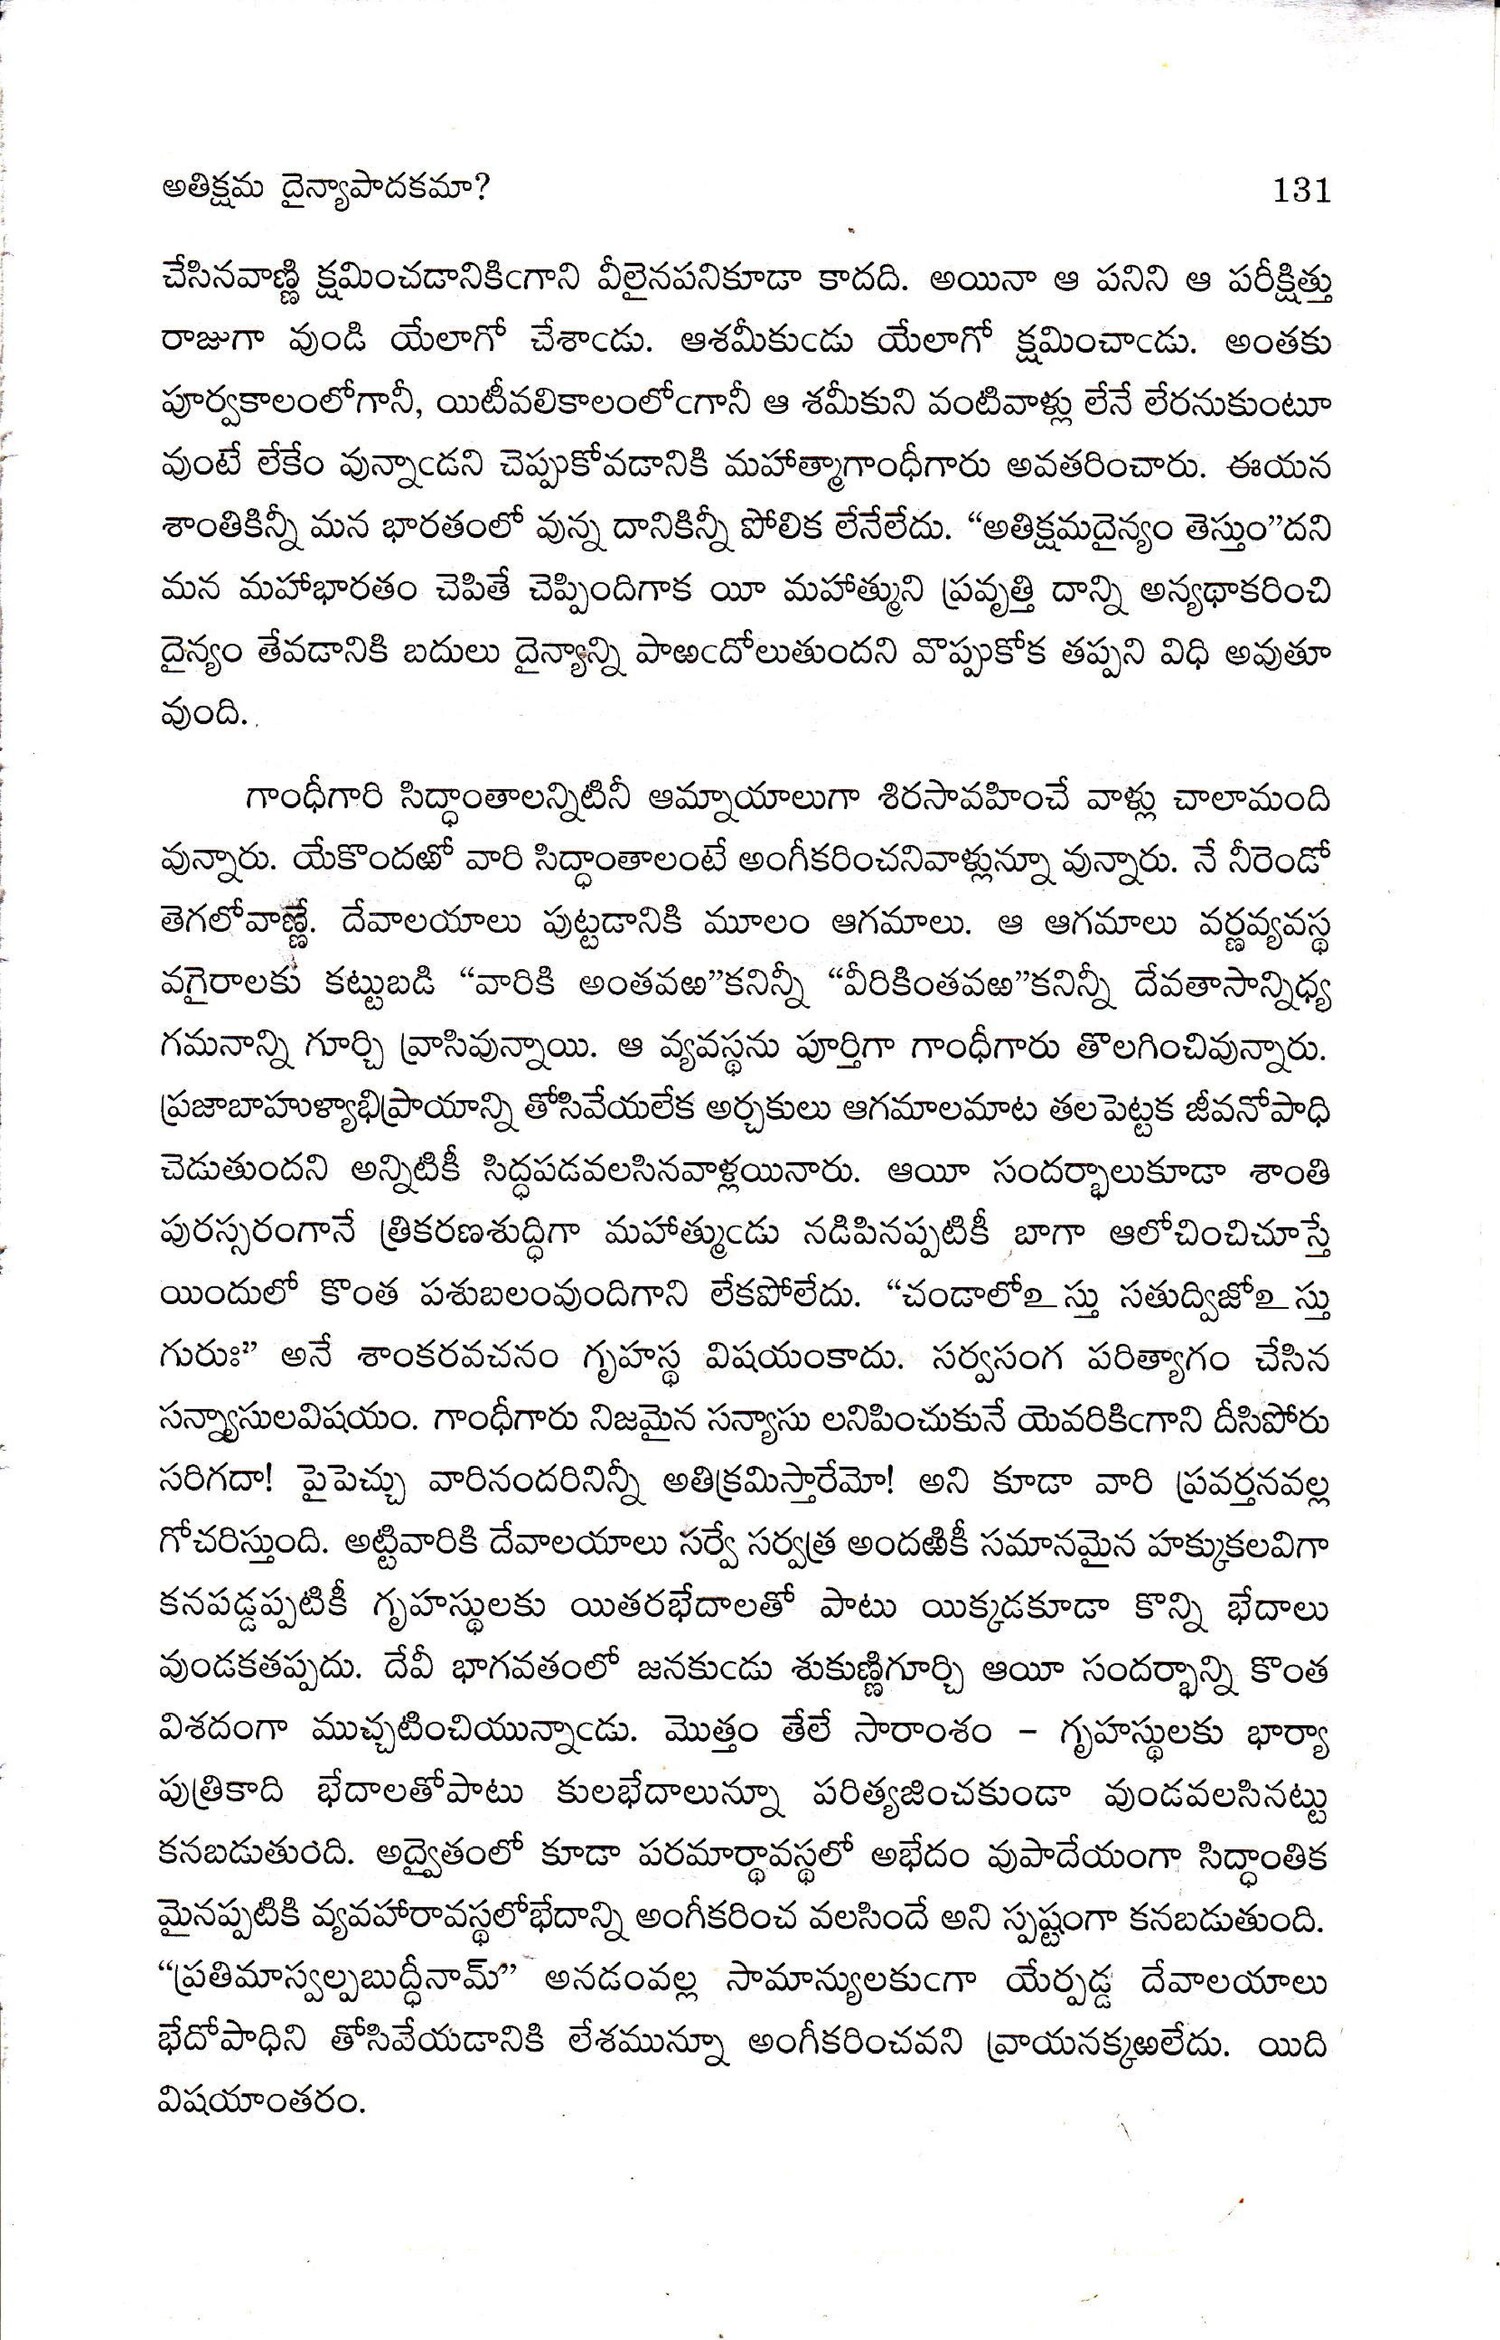చేసినవాణ్ణి క్షమించడానికిఁగాని వీలైనపనికూడా కాదది. అయినా ఆ పనిని ఆ పరీక్షిత్తు రాజుగా వుండి యేలాగో చేశాcడు. ఆశమీకుcడు యేలాగో క్షమించాcడు. అంతకు పూర్వకాలంలోగానీ, యిటీవలికాలంలోcగానీ ఆ శమీకుని వంటివాళ్లు లేనే లేరనుకుంటూ వుంటే లేకేం వున్నాఁడని చెప్పుకోవడానికి మహాత్మాగాంధీగారు అవతరించారు. ఈయన శాంతికిన్నీ మన భారతంలో వున్నదానికిన్నీ పోలిక లేనేలేదు. “అతిక్షమదైన్యం తెస్తుం"దని మన మహాభారతం చెపితే చెప్పిందిగాక యీ మహాత్ముని ప్రవృత్తి దాన్ని అన్యథాకరించి దైన్యం తేవడానికి బదులు దైన్యాన్ని పాఱఁదోలుతుందని వొప్పుకోక తప్పని విధి అవుతూ వుంది.

గాంధీగారి సిద్ధాంతాలన్నిటినీ ఆమ్నాయాలుగా శిరసావహించే వాళ్లు చాలామంది వున్నారు. యేకొందఱో వారి సిద్ధాంతాలంటే అంగీకరించనివాళ్లున్నూ వున్నారు. నే నీరెండో తెగలోవాణ్ణే. దేవాలయాలు పుట్టడానికి మూలం ఆగమాలు. ఆ ఆగమాలు వర్ణవ్యవస్థ వగైరాలకు కట్టుబడి “వారికి అంతవఱ"కనిన్నీ “వీరికింతవఱ"కనిన్నీ దేవతాసాన్నిధ్య గమనాన్ని గూర్చి వ్రాసివున్నాయి. ఆ వ్యవస్థను పూర్తిగా గాంధీగారు తొలగించివున్నారు. ప్రజాబాహుళ్యాభిప్రాయాన్ని తోసివేయలేక అర్చకులు ఆగమాలమాట తలపెట్టక జీవనోపాధి చెడుతుందని అన్నిటికీ సిద్ధపడవలసినవాళ్లయినారు. ఆయీ సందర్భాలుకూడా శాంతి పురస్సరంగానే త్రికరణశుద్ధిగా మహాత్ముఁడు నడిపినప్పటికీ బాగా ఆలోచించిచూస్తే యిందులో కొంత పశుబలంవుందిగాని లేకపోలేదు. "చండాలో౽స్తు సతుద్విజో౽స్తు గురుః" అనే శాంకరవచనం గృహస్థ విషయంకాదు. సర్వసంగ పరిత్యాగం చేసిన సన్న్యాసులవిషయం. గాంధీగారు నిజమైన సన్యాసు లనిపించుకునే యెవరికిఁగాని దీసిపోరు సరిగదా! పైపెచ్చు వారినందరినిన్నీ అతిక్రమిస్తారేమో! అని కూడా వారి ప్రవర్తనవల్ల గోచరిస్తుంది. అట్టివారికి దేవాలయాలు సర్వే సర్వత్ర అందఱికీ సమానమైన హక్కుకలవిగా కనపడ్డప్పటికీ గృహస్థులకు యితరభేదాలతో పాటు యిక్కడకూడా కొన్ని భేదాలు వుండకతప్పదు. దేవీ భాగవతంలో జనకుఁడు శుకుణ్ణిగూర్చి ఆయీ సందర్భాన్ని కొంత విశదంగా ముచ్చటించియున్నాఁడు. మొత్తం తేలే సారాంశం - గృహస్థులకు భార్యా పుత్రికాది భేదాలతోపాటు కులభేదాలున్నూ పరిత్యజించకుండా వుండవలసినట్టు కనబడుతుంది. అద్వైతంలో కూడా పరమార్ధావస్థలో అభేదం వుపాదేయంగా సిద్ధాంతిక మైనప్పటికి వ్యవహారావస్థలోభేదాన్ని అంగీకరించ వలసిందే అని స్పష్టంగా కనబడుతుంది. “ప్రతిమాస్వల్పబుద్దీనామ్" అనడంవల్ల సామాన్యులకుఁగా యేర్పడ్డ దేవాలయాలు భేదోపాధిని తోసివేయడానికి లేశమున్నూ అంగీకరించవని వ్రాయనక్కఱలేదు. యిది విషయాంతరం.